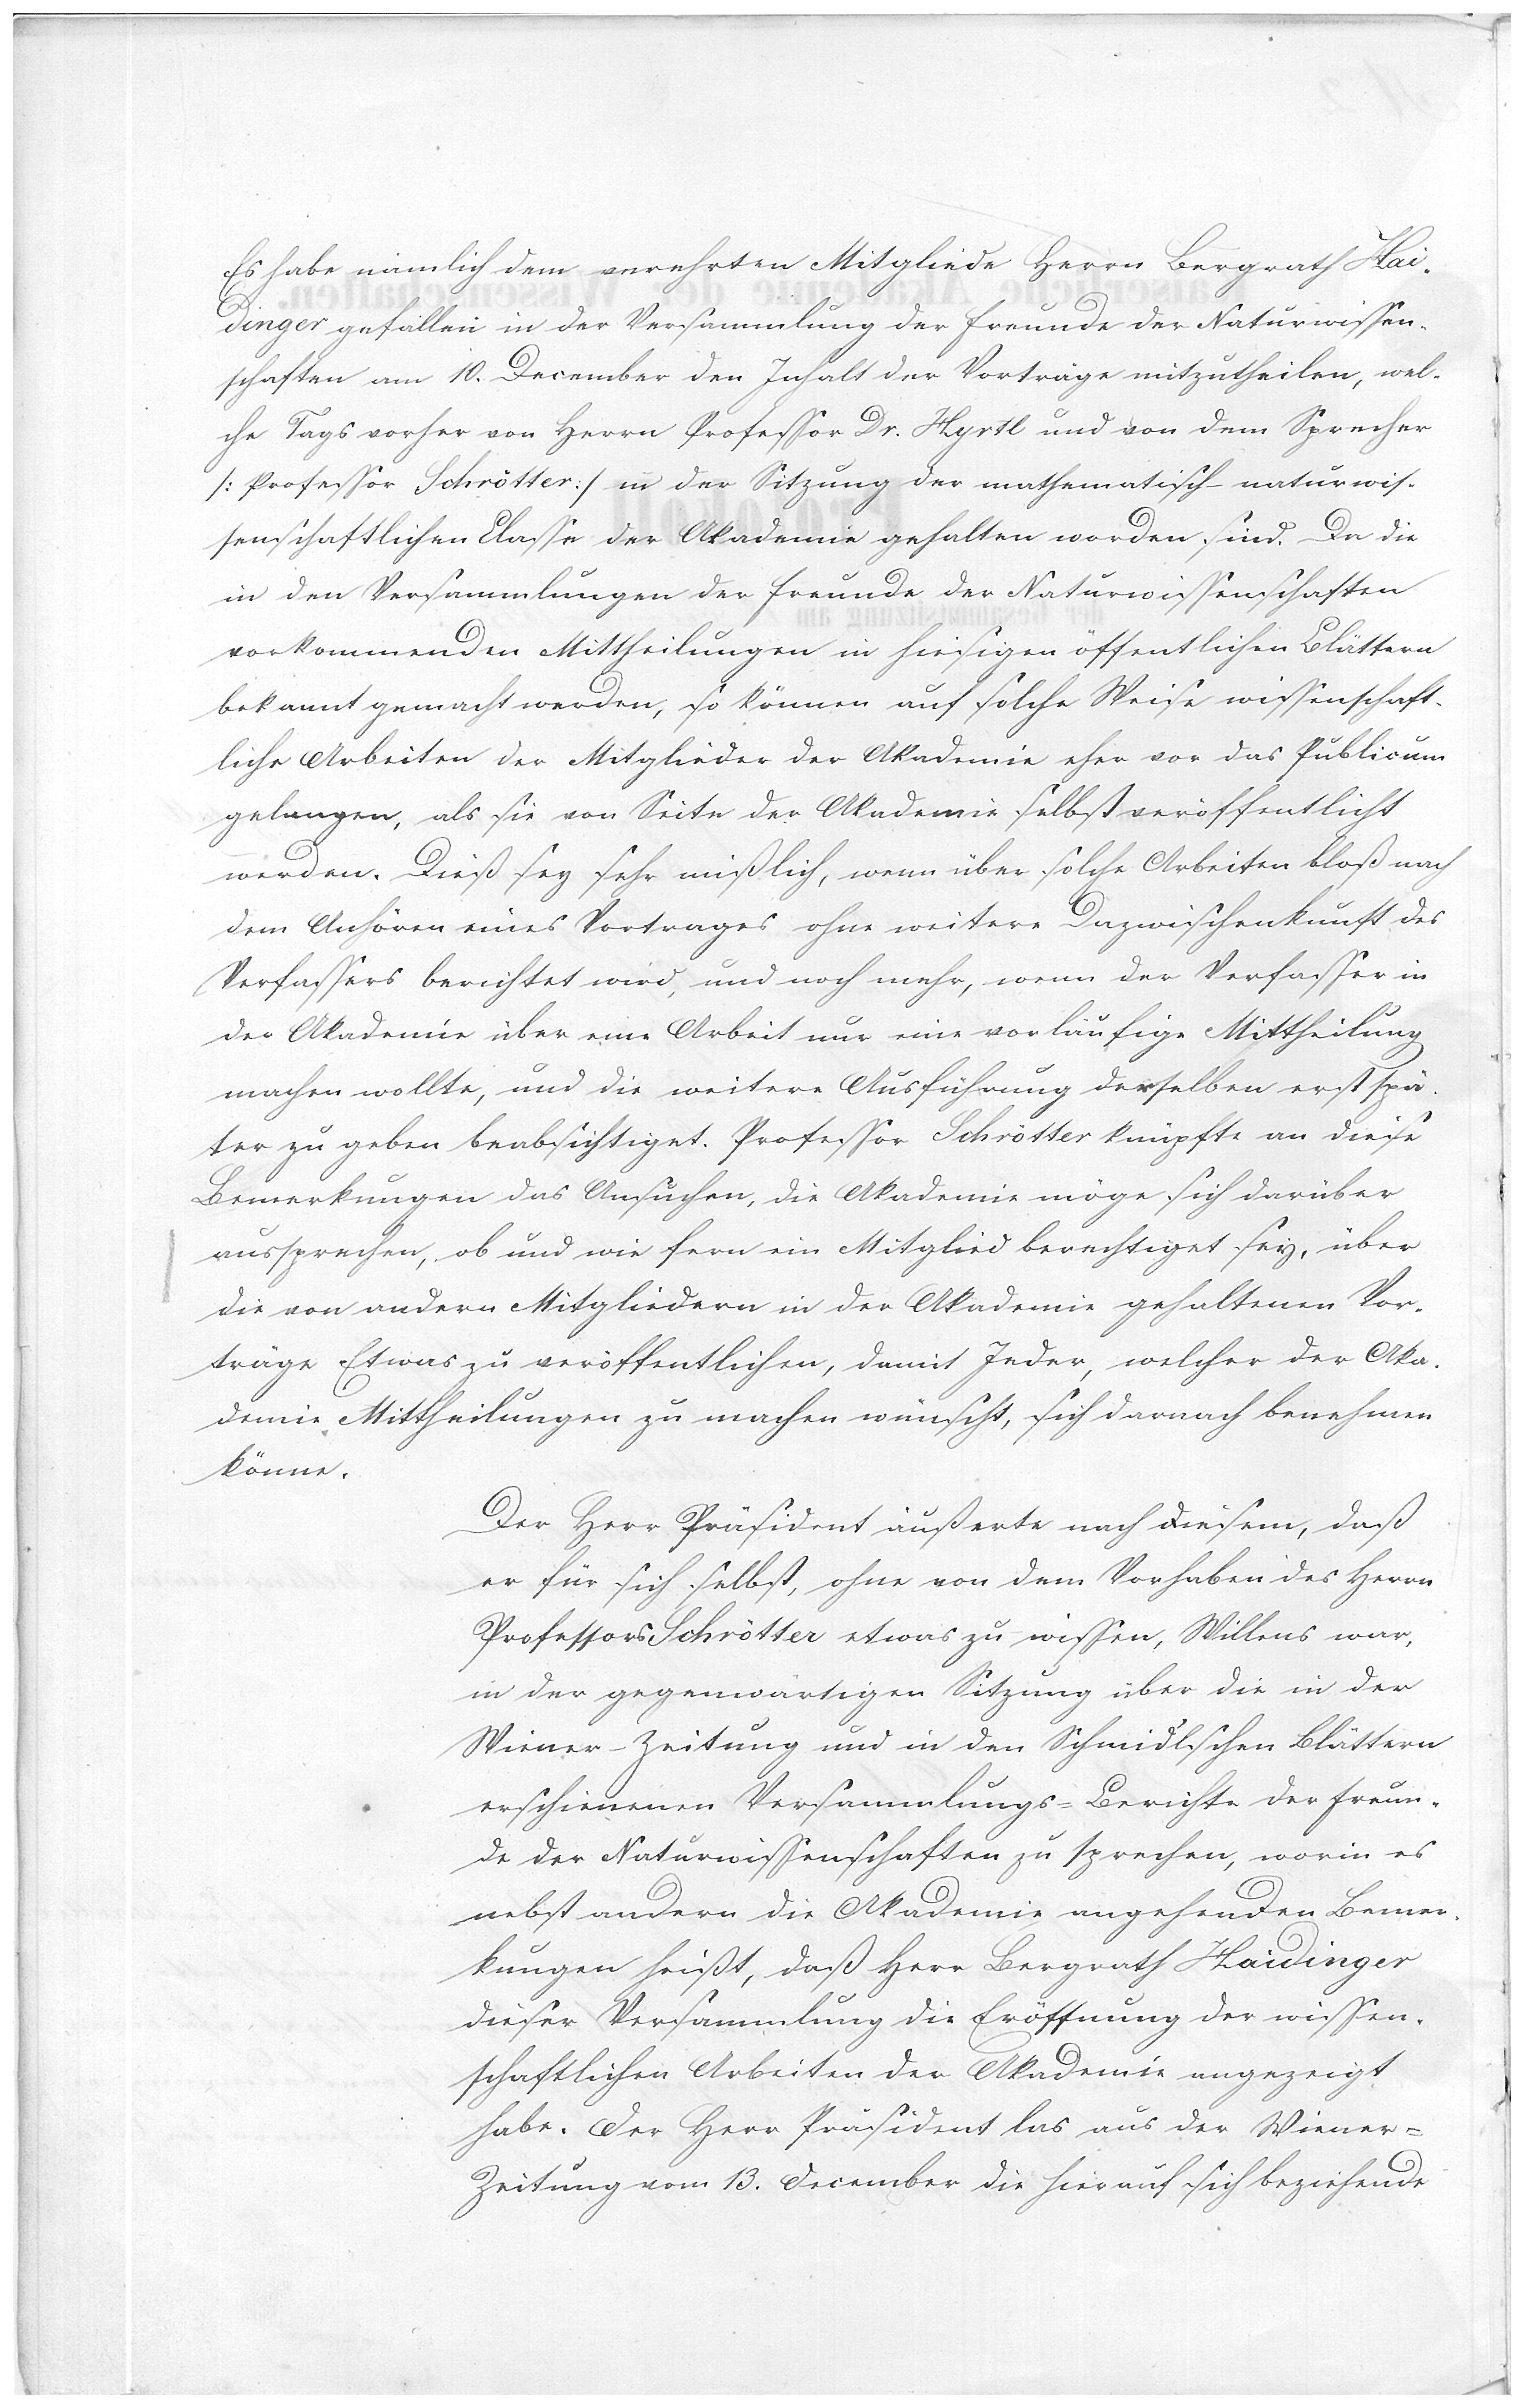Es habe nämlich dem verehrten Mitgliede Herrn Bergarth Hai-
dinger gefallen in der Versammlung der Freunde der Naturwissen-
schaften am 10. December den Inhalt der Vorträge mitzutheilen, wel-
che Tags vorher von Herrn Professor Dr. Hyrtl und von dem Sprecher
/: Professor Schrötter :/ in der Sitzung der mathmatisch-naturwis.
senschaftlichen Classe der Akademie gehalten worden ind. Da die
in den Versammlungen der Freunde der Naturwissenschaften
vorkommenden Mitthelungen in hiesigem öffentlichen Blättern
bekannt gemacht werden, so können auf solche Weise wissenschaft-
liche Arbeiten der Mitglieder der Akademie eher vor das Publicum
gelangen, als sie von Seite der Akademie selbst veröffentlicht
werden. Dieß sey sehr mißlich, wenn über solche Arbeiten bloß nach
dem Anhören eines Vortrages ohne weitere Dazwischenkunft des
Verfassers berichtet wird, und noch mehr, wenn der Verfasser in
der Akademie über eine Arbeit nur eine vorläufige Mittheilung
machen wollte, und die weitere Ausführung derselben erst spä-
ter zu geben beabsichtiget. Professor Schrötter knüpfte an diese
Bemerkungen das Ansuchen, die Akademie möge sich darüber
aussprechen, ob und wie fern ein Mitglied berechtiget sey, über
die von andern Mitgliedern in der Akademie gehaltenen Vor-
träge Etwas zu veröffentlichen, damit Jeder, welcher der Aka-
demie Mittheilungen zu machen wünscht, sich darnach benehmen
könne.
Der Herr Präsident äußerte nach diesem, daß
er für sich selbst, ohne von dem Vorhaben des Herrn
Professors Schrötter etwas zu wissen, Willens war,
in der gegenwärtigen Sitzung über die in der
Wiener-Zeitung und in den Schmid'lschen Blättern
erschienenen Versammlungs-Berichte der Freun-
de der Naturwissenschaften zu sprechen, worin es
nebst andern die Akademie angehenden Bemer-
kunden heißt, daß Herr Bergrath Haidinger
dieser Versammlung die Eröffnung der wissen-
schaftlichen Arbeiten der Akademie angezeigt
habe. Der Herr Präsident las aus der Wiener
Zeitung vom 13. December die hierauf sich beziehende